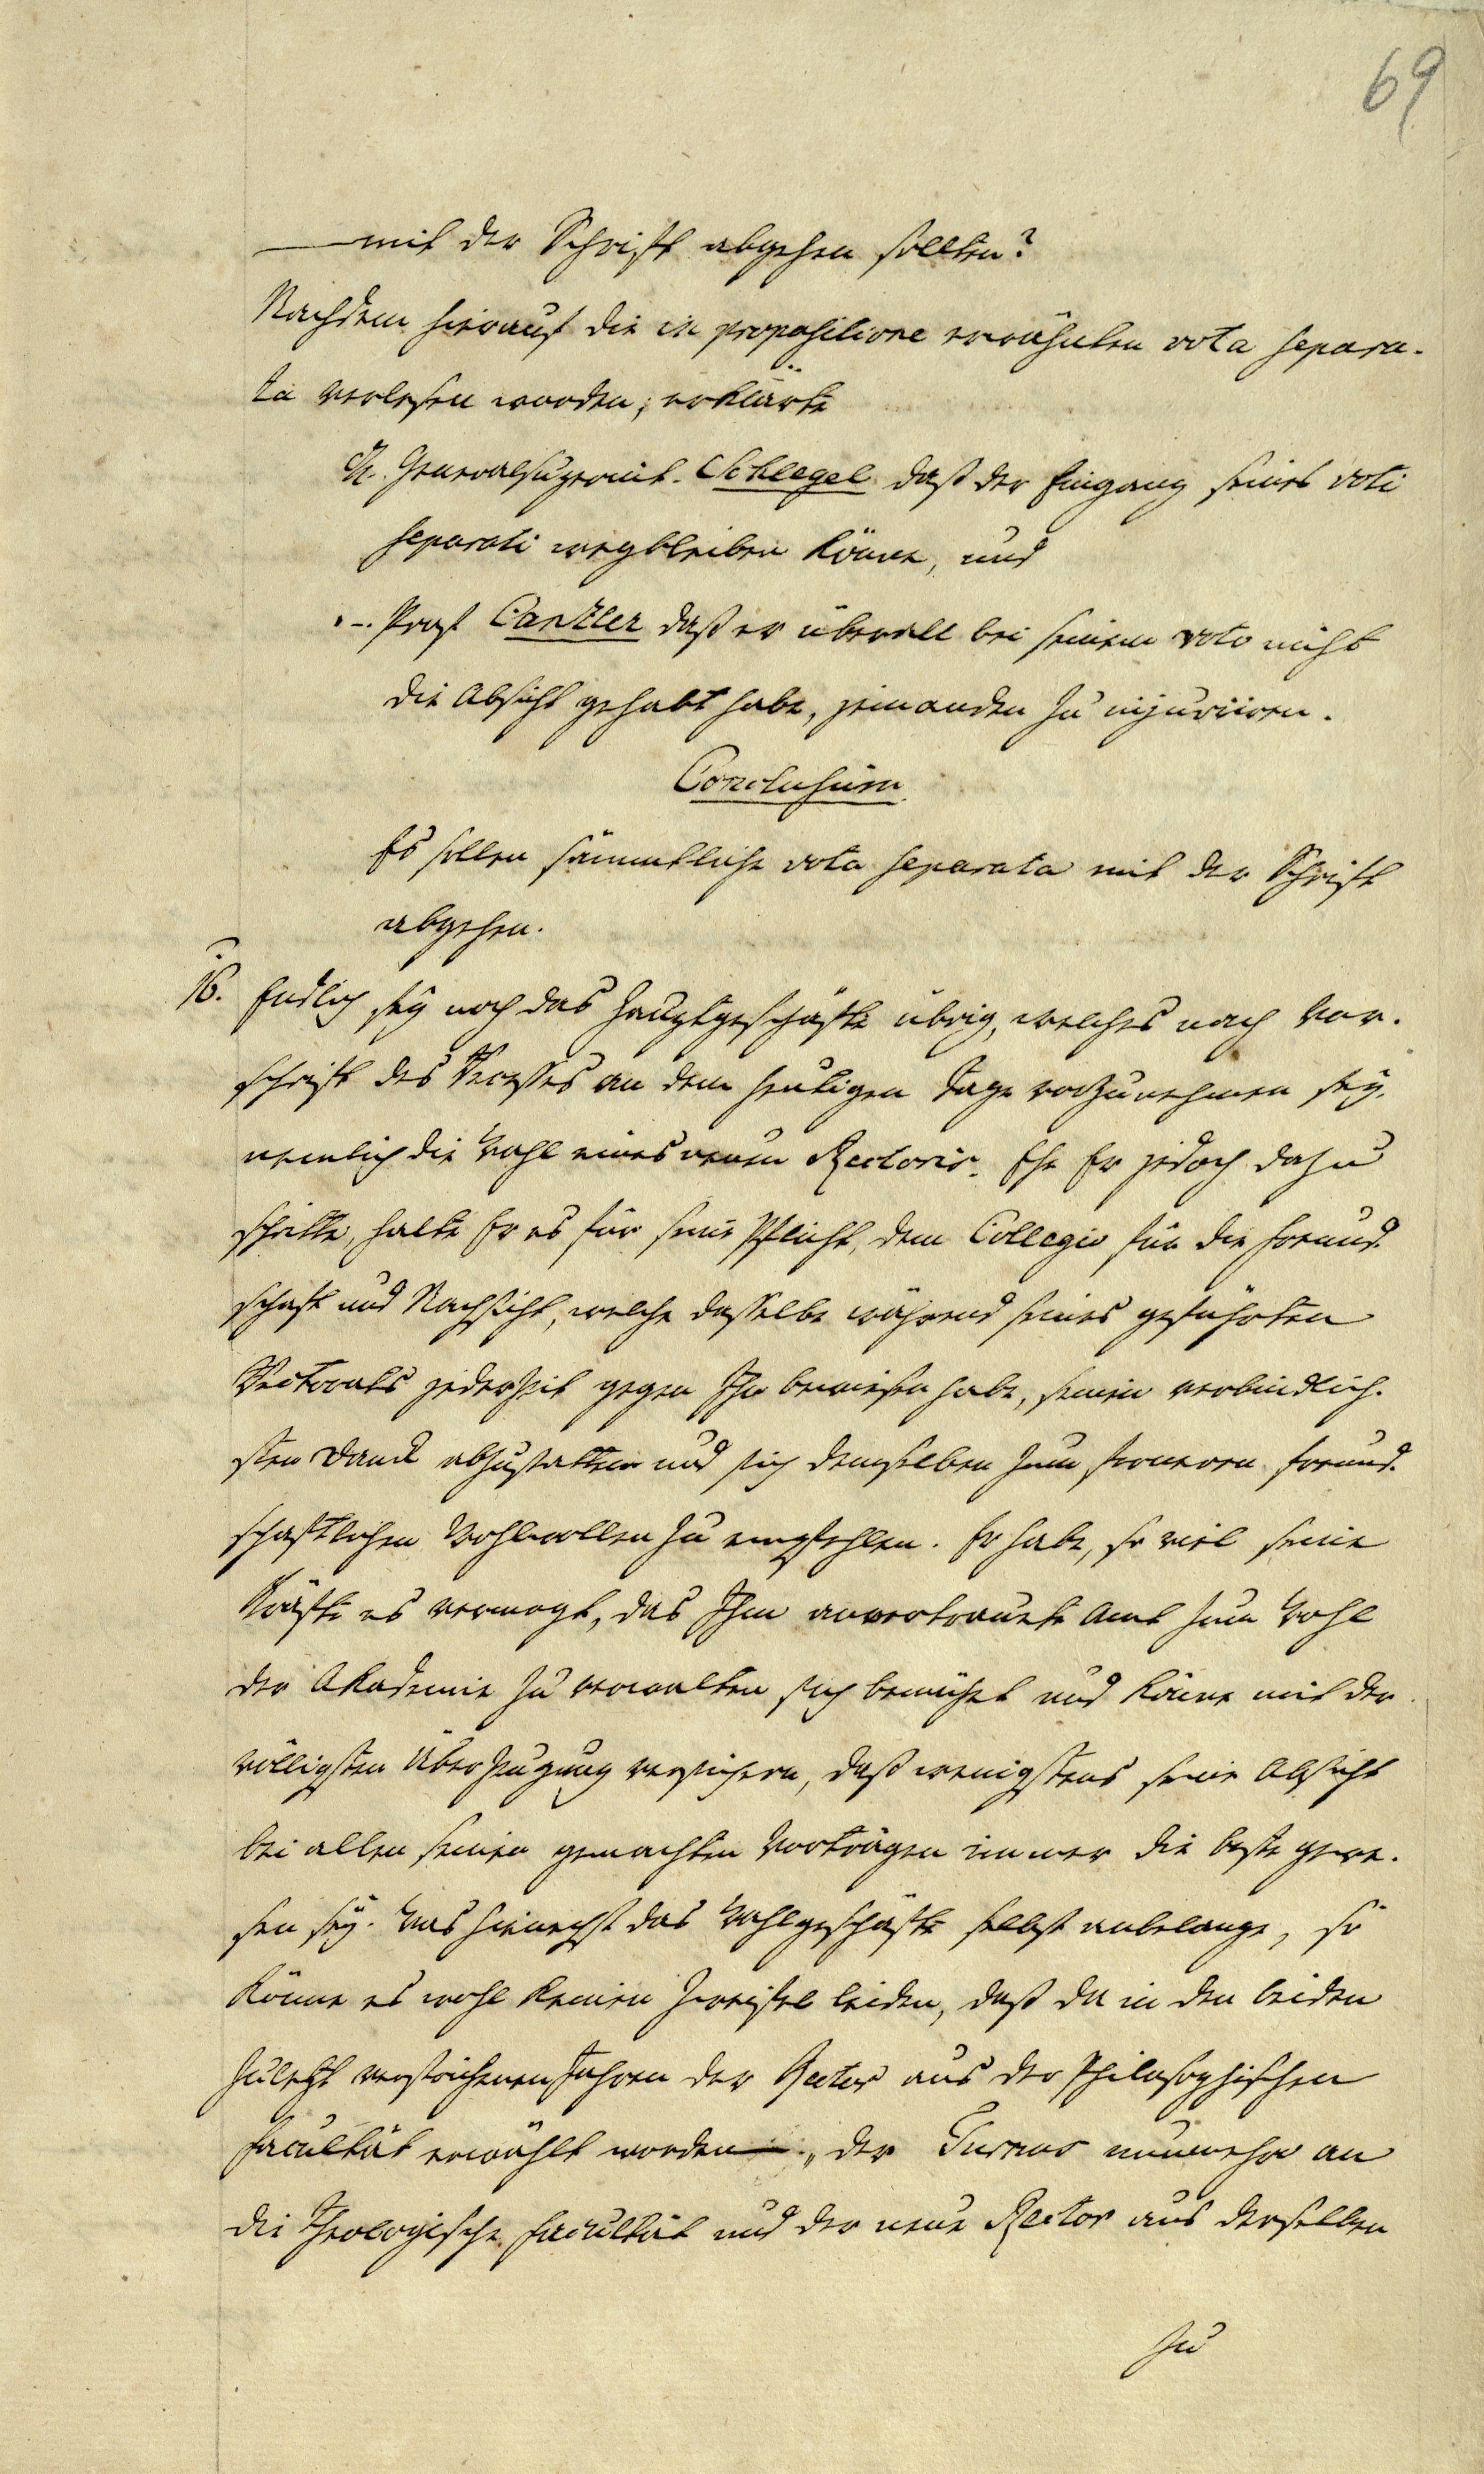mit der Schrift abgehen sollten?
Nachdem hierauf die in propositione erwähnten vota separa¬
ta verlesen worden, erklärte
dh. Generalsuperint. Schlegel daß der Eingang seines voti
separati wegbleiben könne, und
Prof Canzler daß er überall bei seinem voto nicht
die Absicht gehabt habe, jemanden zu injuriiren.
Conclusum
Es sollen sämmtliche vota separata mit der Schrift
abgehen.
16. Endlich seÿ noch das Hauptgeschäfte übrig, welches nach Vor¬
schrift der Recesses an dem heutigen Tage vorzunehmen seÿ,
nemlich die Wahl eines neuen Rectoris. Ehe Er jedoch dazu
schritte, halte Er es für seine Pflicht, dem Collegio für die Freund¬
schaft und Nachsicht, welche dasselbe während seines geführten
Rectorats jederzeit gegen Ihn bewiesen habe, seinen verbindlich¬
sten Danck abzustatten und sich demselben zum ferneren freund¬
schaftlichen Wohlwollen zu empfehlen. Er habe, so viel seine
Kräfte es vermogt, das Ihm anvertrauet Amt zum Wohl
der Akademie zu verwalten sich bemühet und könne mit der
völligsten Überzeugung versichern, daß wenigstens seine Absicht
bei allen seinen gemachten Vorträgen immer die beste gewe¬
sein seÿ. Was hienechst das Wahlgeschäfte selbst anbelange, so
könne es wohl keinen Zweifel leiden, daß da in den beiden
zuletzt verstrichenen Jahren der Rector aus der Philosophischen
Facultät erwählt worden., der Turnus nunmehro an
die Theologische Facultät und der neue Rector aus derselben
zu